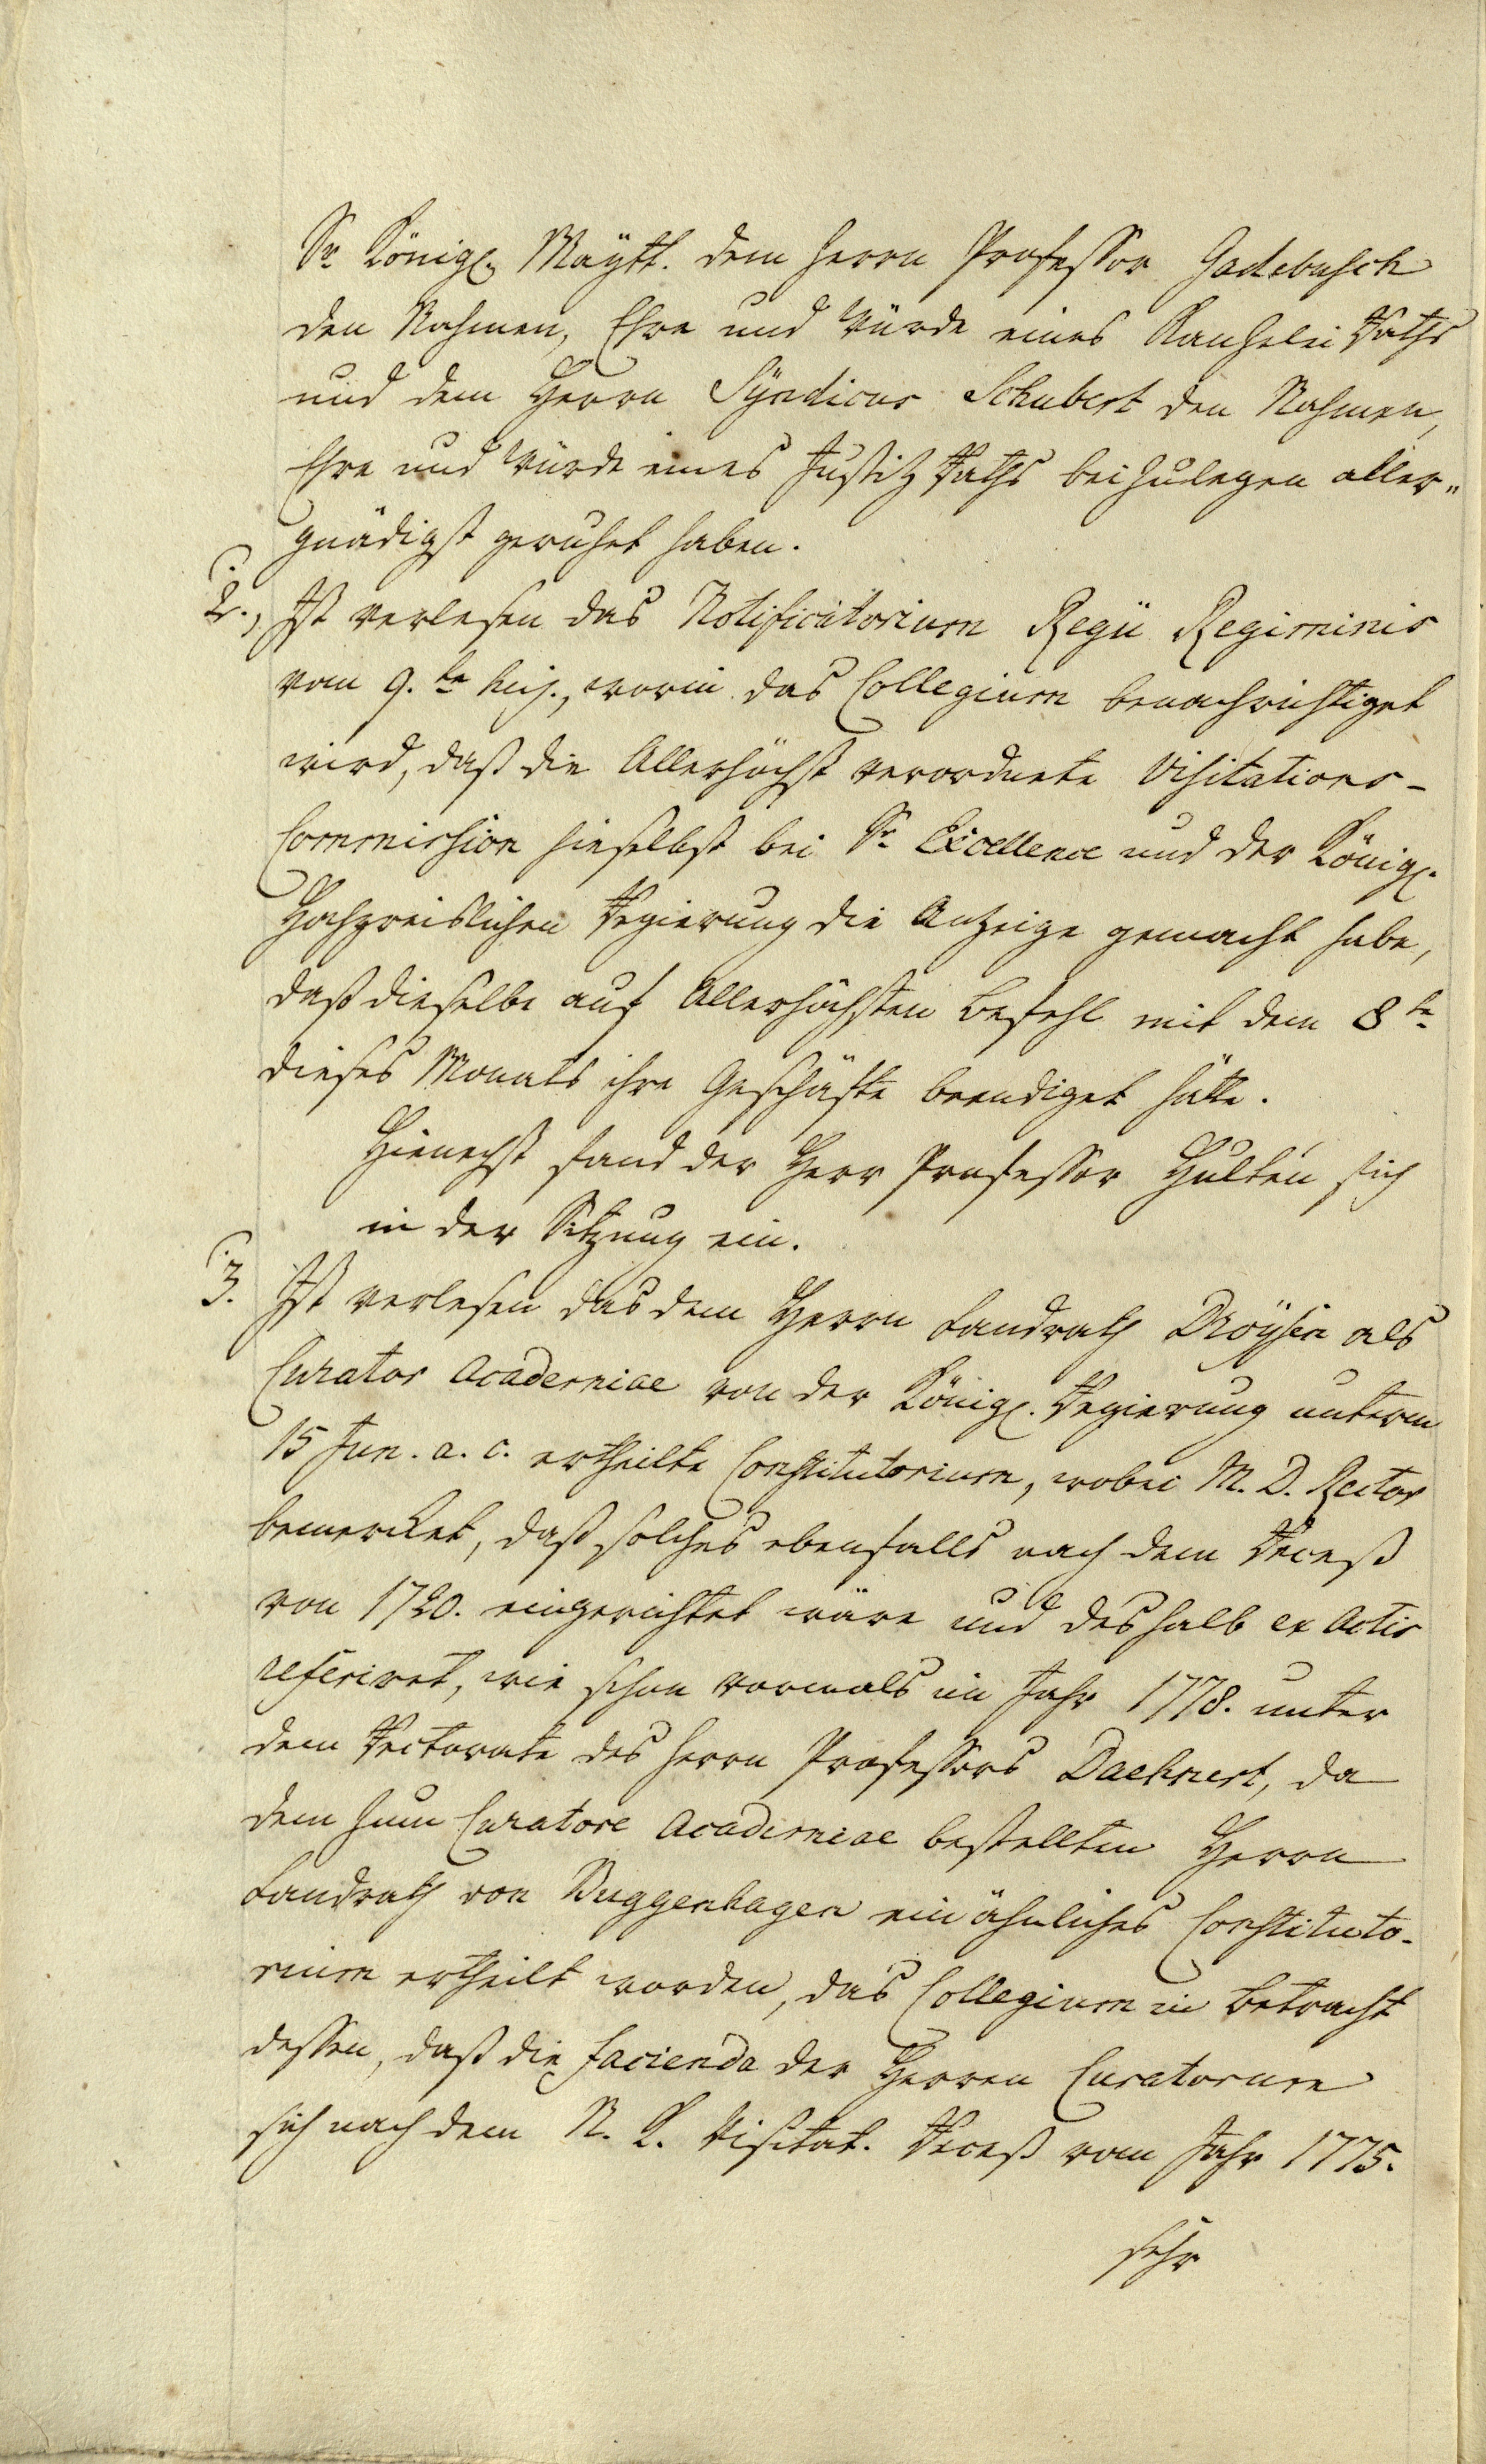Sr Königl. Maÿtt. dem Herrn Professor Gadebusch
den Nahmen, Ehre und Würde eines Kanzelei Raths
und dem Herrn Sÿndicus Schubert den Nahmen,
Ehre und Würde eines Justiz Raths beizulegen aller¬
gnädigst geruhet haben.
2., Ist verlesen das Notificatorium Regii Regiminis
vom 9. huj., worin das Collegium benachrichtiget
wird, daß die Allerhöchst verordnete Visitations-
Commission hieselbst bei Sr Excellence und der Königl.
Hochpreislichen Regierung die Anzeige gemacht habe,
daß dieselbe auf Allerhöchsten Befehl mit dem 8 te
dieses Monats ihre Geschäfte beendiget hätte.
Hienechst fand der Herr Professor Hultén sich
in der Sitzung ein.
3. Ist verlesen das dem Herrn Landrath Droÿsen als
Curator Academiae von der Königl. Regierung unterm
15 Jun. a. c. ertheilte Constitutorium, wobei M. D. Rector
bemercket, daß solches ebenfalls nach dem Receß
von 1720. eingerichtet wäre und deshalb ex Actis
referiret, wie schon vormals in Jahr 1778. unter
dem Rectorate des Herrn Professors Daehnert, da
dem zum Curatore Academiae bestellten Herrn
Landrath von Buggenhagen ein ähnliches Constituto¬
rium ertheilt worden, das Collegium in Betracht
dessen, daß die Facienda der Herren Curatorum
sich nach dem N. K. Visitat. Receß vom Jahr 1775.
sehr